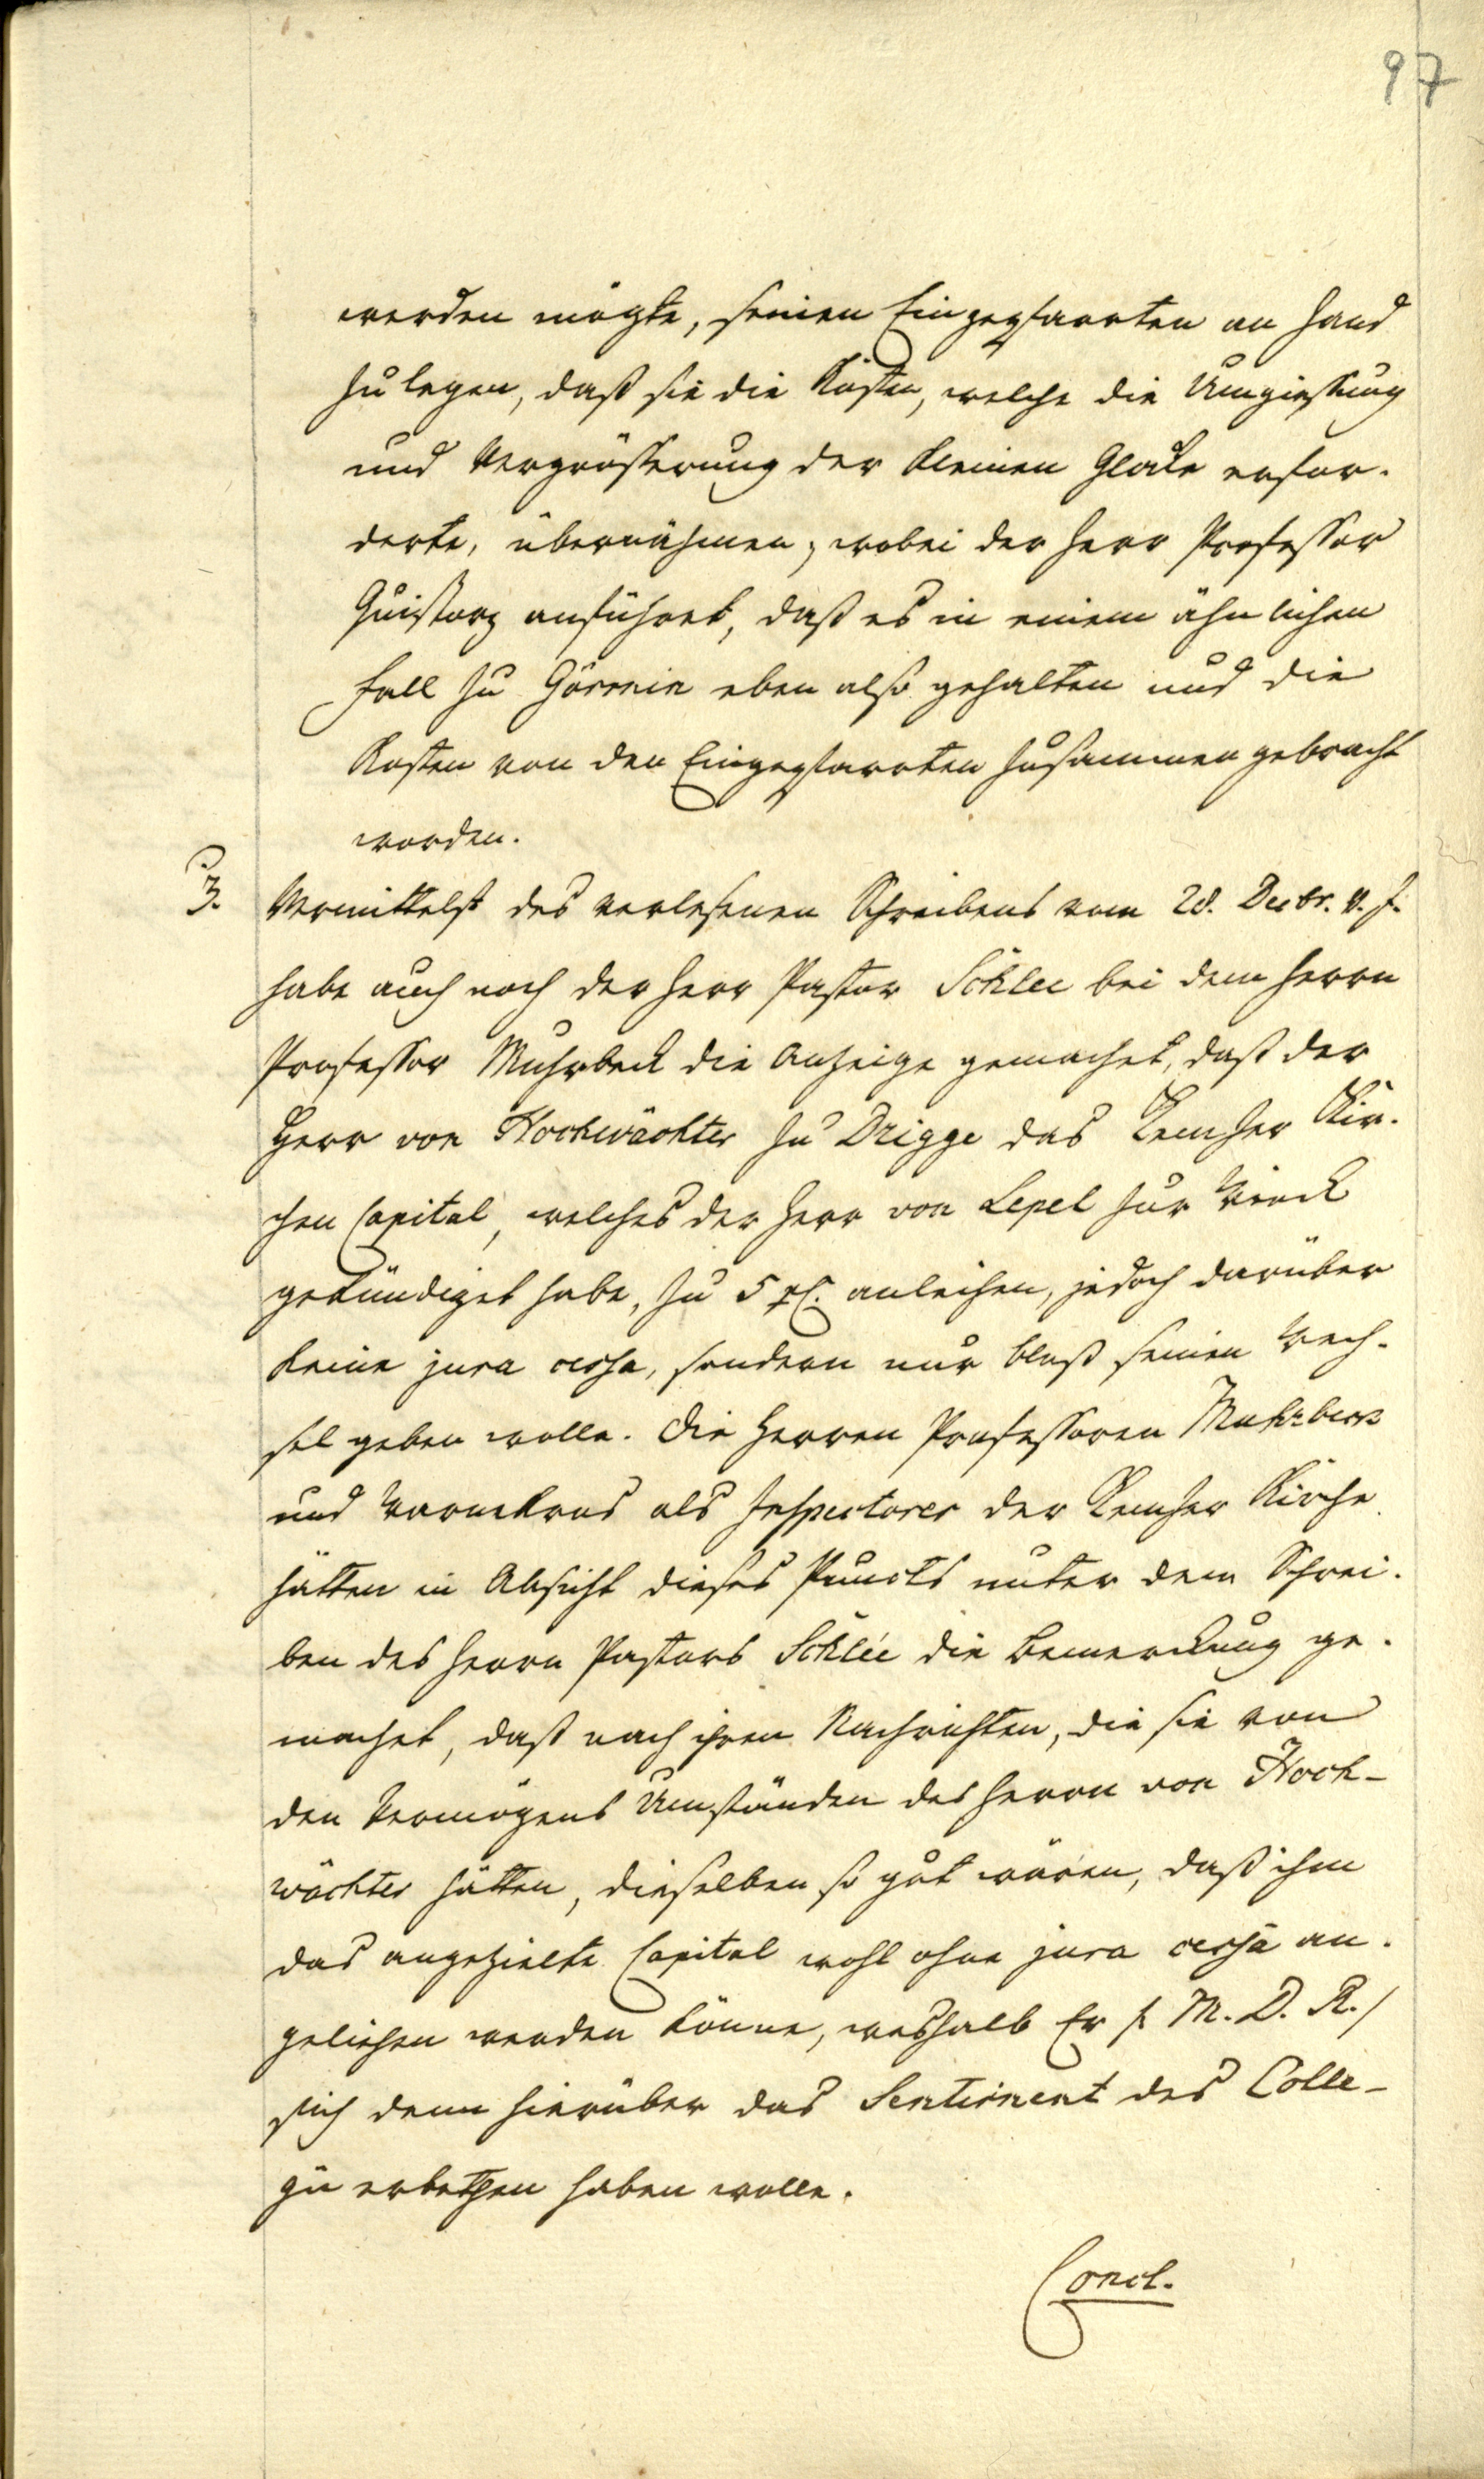werden mögte, seinen Eingepfarrten an Hand
zu legen, daß sie die Kosten, welche die Umgiessung
und Vergrösserung der keinen Glocke erfor¬
derte, übernähmen, wobei der Herr Professor
Quistorp anführet, daß es in einem ähnlichen
Fall zu Görmnin eben also gehalten und die
Kosten von den Eingegfarrten zusammen gebracht
worden.
3. Vermittelst des verlesenen Schreibens vom 28. Decbr. v. J.
habe auch noch der Herr Pastor Schlee bei dem Herrn
Professor Muhrbeck die Anzeige gemachet, daß der
Herr von Hochwächter zu Drigge das Kemzer Kir¬
chen Capital, welches der Herr von Lepel zur Wieck
gekündiget habe, zu 5 r. anleihen, jedoch darüber
keine jura cessa, sondern nur bloß seinen Wech¬
sel geben wolle. Die Herren Professoren Muhrbeck
und Warnekros als Inspectores der Kenzer Kirche
hätten in Absicht dieses Puncts unter dem Schrei¬
ben des Herrn Pastors Schlée die Bemerckung ge¬
machet, daß nach ihren Nachrichten, die sie von
den Vermögens Umständen des Herrn von Hoch¬
wächter hätten, dieselben so gut wären, daß ihm
das angezielte Capital wohl ohne jura cessa an¬
geliehen werden könne, weshalb Er /M. D. R./
sich denn hierüber das Sentiment des Colle-
gii erbethen haben wolle.
Concl.